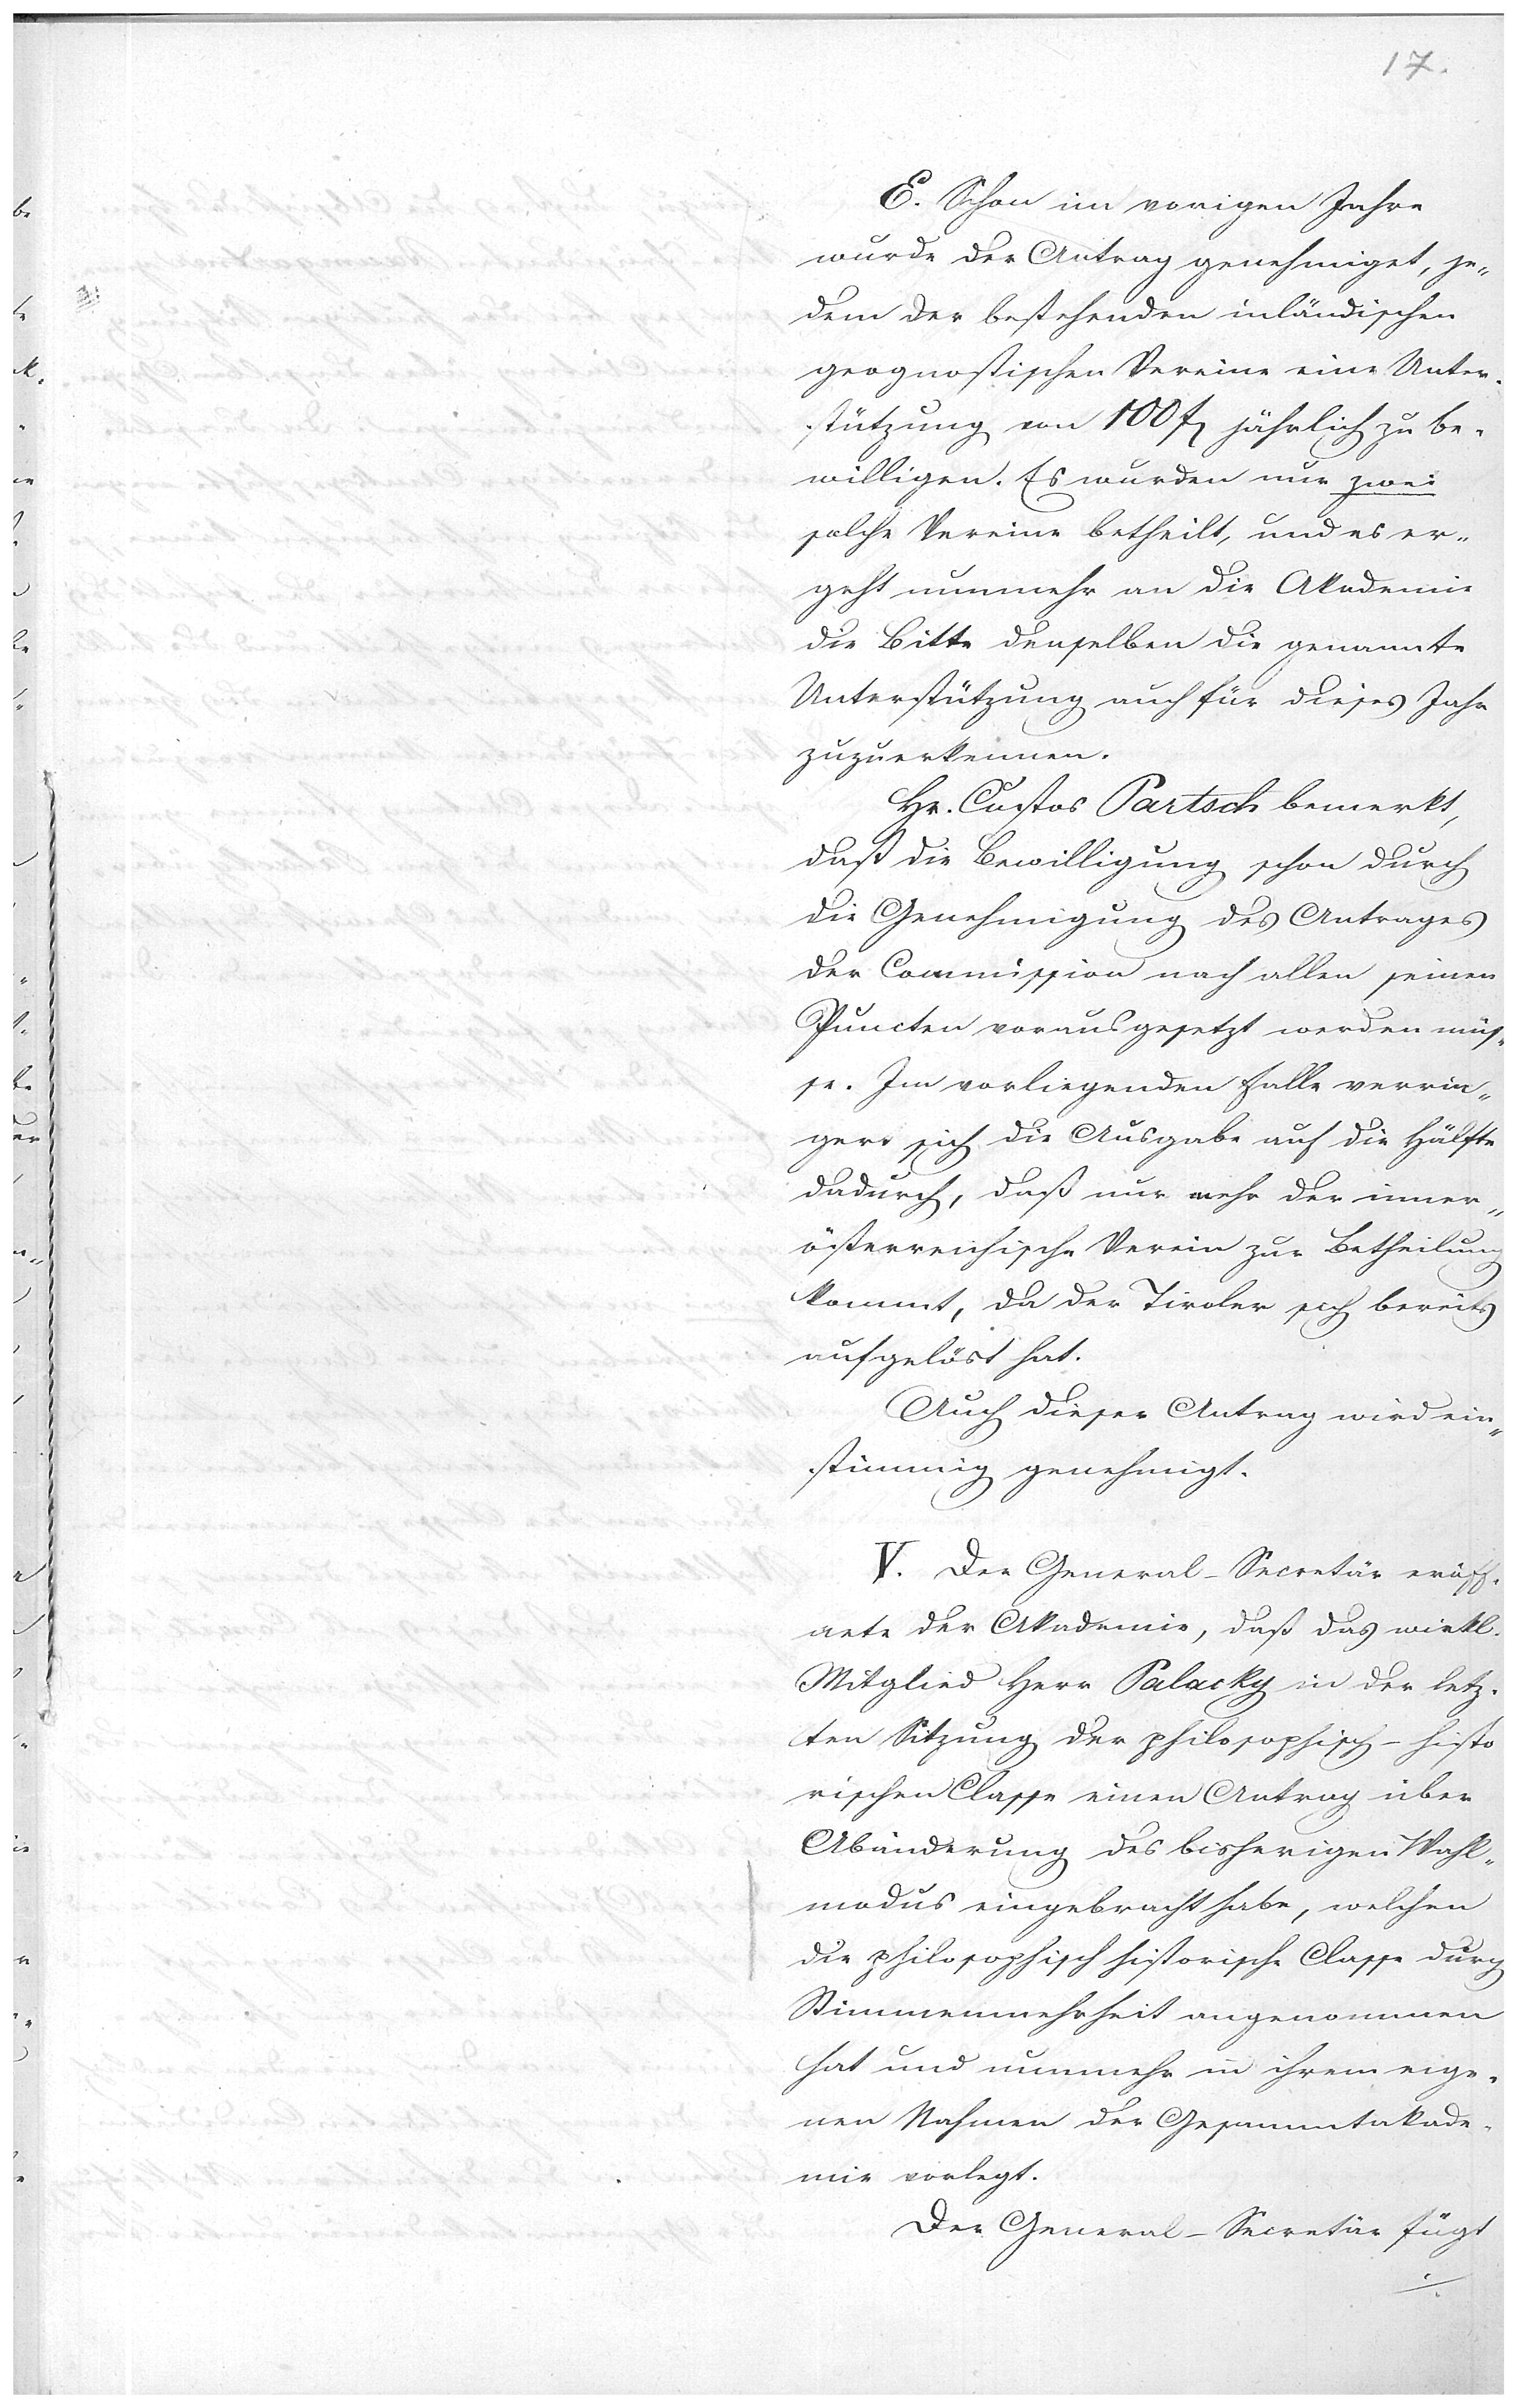E. Schon im vorigen Jahre
wurde der Antrag genehmiget, je-
dem der bestehenden inländischen
geognostischen Vereine eine Unter-
stützung von 100 fl. jährlich zu be-
willigen. Es wurden nur zwei
solche Vereine betheilt, und es er-
geht nunmehr an die Akademie
die Bitte denselben die genannte
Unterstützung auch für dieses Jahr
zuzuerkennen.
Hr. Custos Partsch bemerkt,
daß die Bewilligung schon durch
die Genehmigung des Antrages
der Commission nach allen seinen
Puncten vorausgesetzt werden müs-
se. In vorliegenden Falle verrin-
gert sich die Ausgabe auf die Hälfte
dadurch, daß nur mehr der inner-
österreichische Verein zur Betheiltung
kommt, da der Tiroler sich bereits
aufgelöst hat.
Auch dieser Antrag wird ein-
stimmig genehmigt.
V. Der General-Secretär eröff-
nete der Akademie, daß des wirkl.
Mitglied Herr Palacky in der letz-
ten Sitzung der philosophisch-histo-
rischen Classe einen Antrag über
Abänderung des bisherigen Wahl-
modus eingebracht habe, welchen
die philosophisch-historische Classe durch
Stimmenmehrheit angenommen
hat und nunmehr in ihrem eige-
nen Nahmen der Gesammtakade-
mie vorlegt.
Der General-Secretär fügt